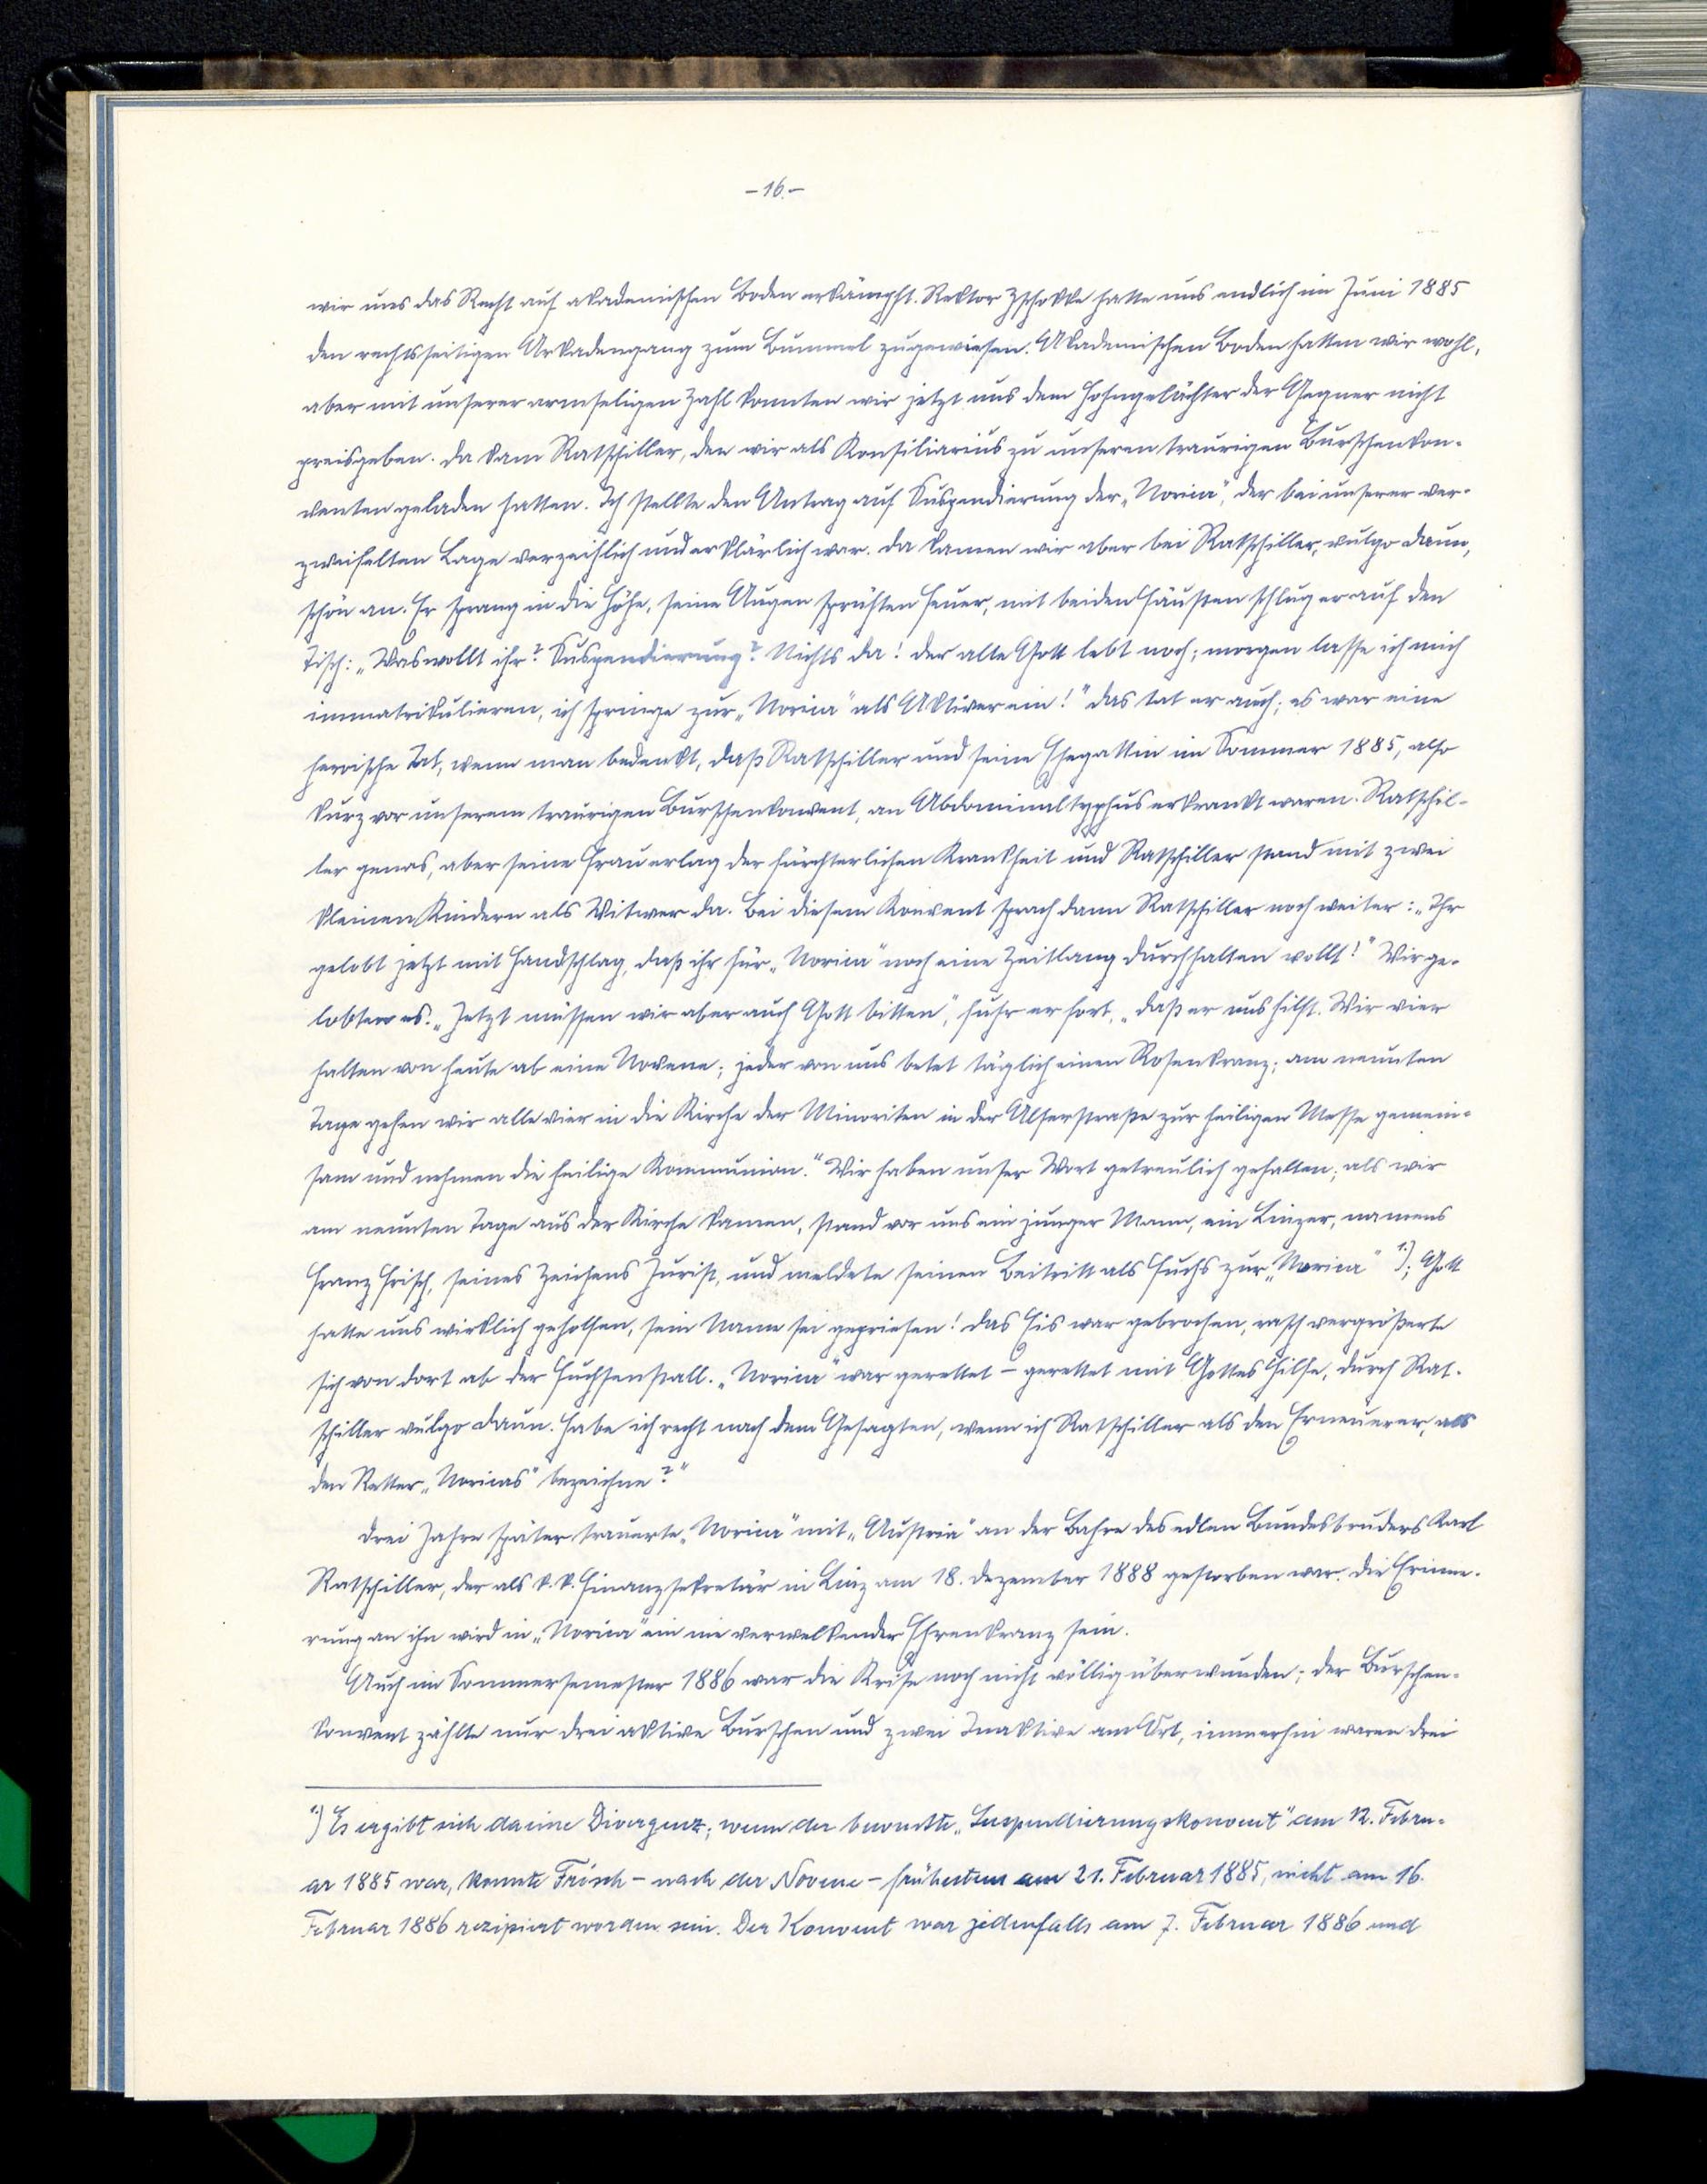16
wir uns das Recht auf akademischen Boden erkämpft. Rektor Zschokke hatte uns endlich im Juni 1855
den rechtsseitigen Arkadengang zum Bummel zugewiesen. Akademischen Boden hatten wir wohl,
aber mit unserer armseligen Zahl konnten wir jetzt uns dem Hohngelächter der Gegner nicht
preisgeben. Da kam Ratschiller, den wir als Konziliarius zu unseren traurigen Burschenkon-
venten geladen hatten. Ich stellte den Antrag auf Suspendierung der Norica, der bei unserer ver-
zweifelten Lage verzeihlich und erklärlich war. Da kamen wir aber bei Ratschiller, vulgo Daun
schön an. Er sprang in die Höhe, seine Augen sprühten Feuer, mit beiden Fäusten schlug er auf den
Tisch: „Was wollt Ihr? Suspendierung? Nichts da! Der alte Gott lebt noch, morgen lasse ich mich
immatrikulieren, ich springe zur „Norica“ als Archivar ein!“ Das tat er auch; es war eine
heroische Tat, wenn man bedenkt, dass Ratschiller und sein Ehegatte im Sommer 1885, also
kurz vor unserem traurigen Burschenkonvent, an Abdominaltyphus erkrankt waren. Ratschil-
ler genas, seine Frau erlag der fürchterlichen Krankheit und Ratschiller stand mit zwei
kleinen Kindern als Witwer dar. Bei diesem Konvent sprach dann Ratschiller noch weiter: „Ihr
gelobt jetzt mit Handschlag, dass ihr für „Norica“ noch eine Zeit lang durchhalten wollt!“ Wir ge-
lobten es. „Jetzt müssen wir aber auch Gott bitten“, fuhr er fort, „dass er uns hilft. Wir vier
halten von heute ab eine Novene; jeder von uns betet täglich einen Rosenkranz; am neunten
Tage gehen wir alle vier in die Kirche der Minoriten in der Alserstraße zu heiligen Messe gemein-
sam und nehmen die heilige Kommunion.“ Wir haben unser Wort getreulich gehalten; als wir
am neunten Tage aus der Kirche kamen, stand vor uns ein junger Mann, ein Linzer namens
Franz Frisch, seines Zeichens Jurist, und meldete seinen Beitritt als Fuchs zur „Norica“ 1) Gott
hatte uns wirklich geholfen, sein Name sei gepriesen! Das Eis war gebrochen, rasch vergrößerte
sich von dort ab der Fuchsenstall. „Norica“ war gerettet – gerettet mit Gottes Hilfe, durch Rat
schiller v/o Daun. Habe ich recht nach dem Gesagten, wenn ich Ratschiller als den Erneuerer, als
den Retter „Noricas“ bezeichne?
Drei Jahre später trauerte „Norica“ mit „Austria“ an der Bahre des edlen Bundesbruders Karl
Ratschiller, der als k. k. Finanz Sekretär in Linz am 18. Dezember 1888 gestorben war. Die Erinne-
rung an ihn wird in „Norica“ ein nie verwelkender Ehrenkranz sein.
Auch im Sommersemester 1886 waren die Krise noch nicht völlig überwunden. Der Burschen-
konvent zählte nur drei aktive Burschen und zwei Inaktive am Ort, immerhin waren drei
1) Es ergibt sich da eine Divergenz, wenn der erwähnte „Suspendierungskonvent“ am 12. Febru-
ar 1885 war, konnte Frisch - nach der Novene - frühestens am 21. Februar 1885 nicht am 16.
Februar 1886 rezipiert worden sein. Der Konvent war jedenfalls am 7. Februar 1886 und